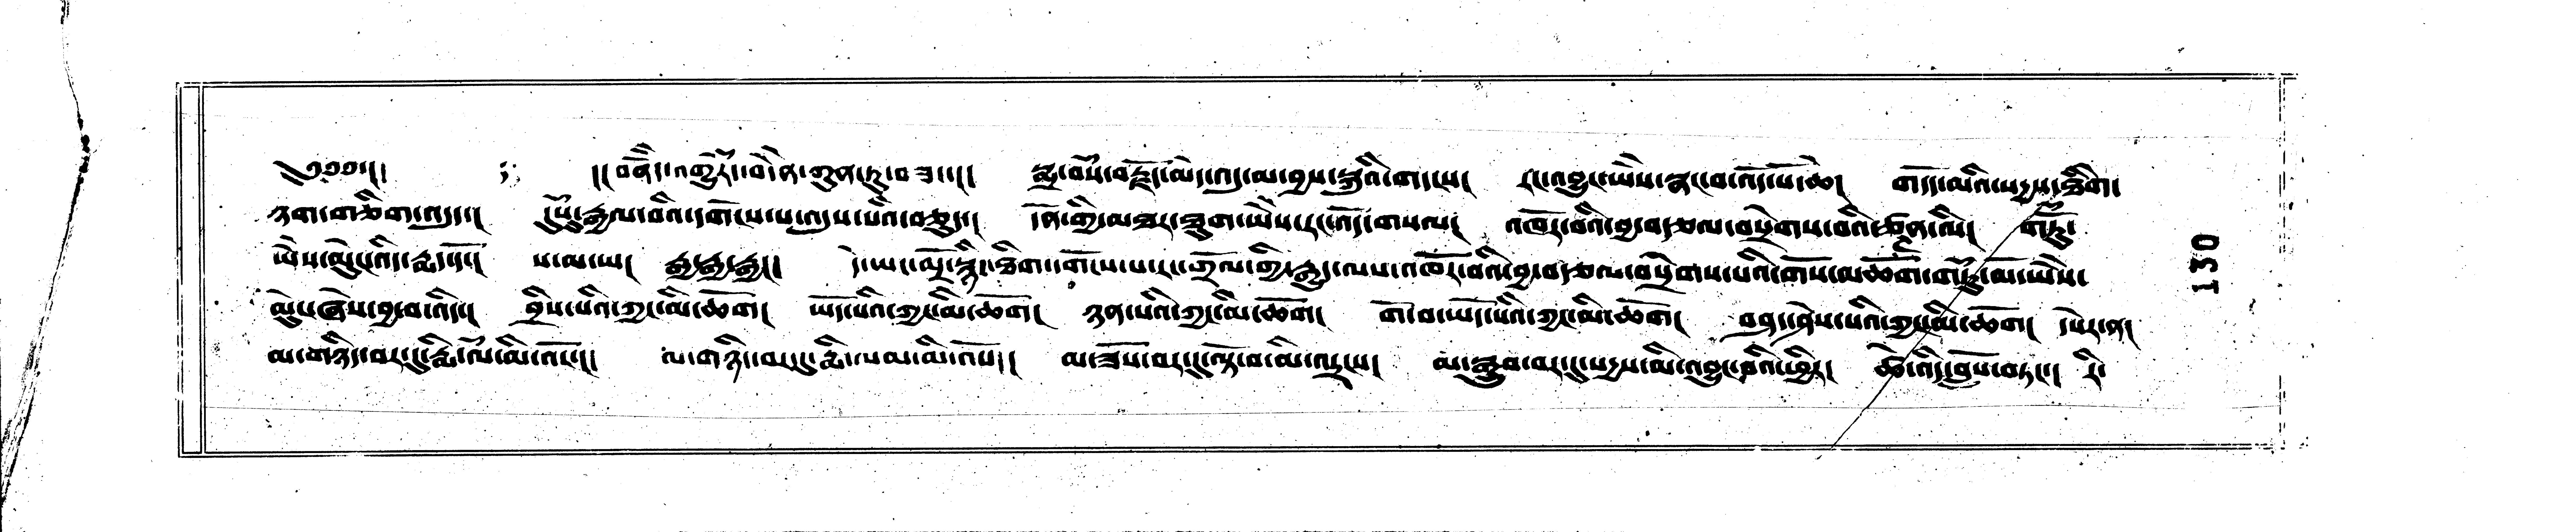༄༅།། །།བོན་ཉིད་འགྱུར་མེད་བདེ་ཆེན་ཀུན་ཏུ་བཟང་། །སྨྲ་བསམ་བརྗོད་མེད་འདུས་མ་བྱས་སྐུའི་གདངས། །རང་འབྱུང་ཡེ་ཤེས་སྣང་བ་འོད་པོ་ཆེ། །གདོད་མའི་སངས་རྒྱས་ཐིག་ལེ་
ཉག་གཅིག་འདུད། །དུས་གསུམ་རྒྱལ་བའི་དགོངས་པ་འདུས་པའི་བཅུད། །དོན་གྱི་མཐར་ཐུག་ཡེ་ཤེས་རང་འོད་གསལ། །འཁོར་བའི་བྱ་བརྩལ་བསྲེགས་པའི་ཙྚན་མི། །གཏུམ་
མོ་ཡེ་ཤེས་མེ་དཔུང་འདི་རྨད་དོ། །ས་མ་ཡ། རྒྱ་རྒྱ་རྒྱ། །དེ་ཡང་མཁའ་འགྲོ་སྙིང་ཐིག་དགོངས་པ་རང་གྲོལ་གྱི་རྒྱུད་ལས། འཁོར་བའི་བྱ་བརྩལ་བསྲེག་པའི་གོས་མཆོག་གཏུམ་མོ་ཡེ་ཤེས་
མེ་དཔུང་ཞེས་བྱ་བ་འདི། བྲིས་པའི་ཀྱང་མི་ཆོག ཡོད་པའི་ཀྱང་མི་ཆོག ཉན་པས་ཀྱང་མི་ཆོག གོ་བ་ཡོད་པས་ཀྱང་མི་ཆོག བཤད་ཤེས་པས་ཀྱང་མི་ཆོག དཔེར་ན་
མ་རྙེད་བར་དུ་རྨི་ལམ་མི་འོང་། མ་ཟོས་བར་དུ་ལྟོ་བ་མི་འགྲངས། མ་བསྒྲུབས་བར་དུ་སངས་རྒྱས་མི་འབྱུང་བའི་ཕྱིར། ཚེ་འདི་བློས་བཏང་། རི་